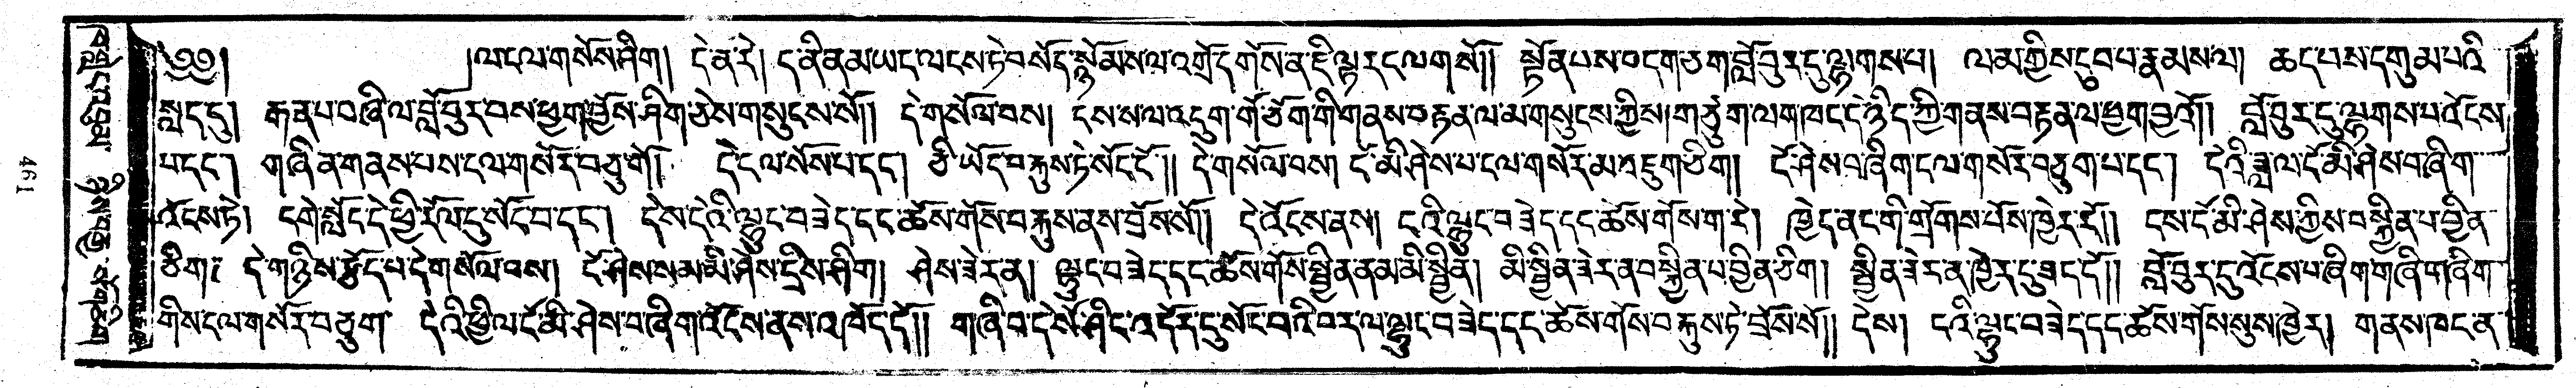༄༅། །ལ་ངལ་གསོས་ཤིག། དེ་ན་རེ། ད་ནི་ནམ་ཡང་ལངས་ཏེ་བསོད་སྙོམས་ལ་འགྲོ་དགོས་ན་ཇི་ལྟ་རང་ལགསོ།། སྟོན་པས་བདག་ཅག་བློ་བུར་དུ་ལྷགས་པ། ལམ་གྱིས་དུབ་པ་རྣམས་ལ། ཆད་པས་དགུམ་པའི་
སླད་དུ། རྒན་པ་བཞི་ལ་བློ་བུར་བས་ཕྱག་བྱོས་ཤིག་ཅེས་གསུངས་སོ།། དེ་གསོལ་བས། དས་ས་ལ་འདུག་གོ་ཅོག་གི་གནས་བརྟན་ལ་མ་གསུངས་ཀྱིས། གཙུག་ལག་ཁང་དེ་ཉིད་ཀྱི་གནས་བརྟན་ལ་ཕྱག་བྱའོ།། བློ་བུར་དུ་ལྷགས་པ་འོངས་
པ་དང་། གཞིན་གནས་པས་ངལ་གསོར་བཅུ་གོ། དེ་ངལ་སོས་པ་དང་། ཅི་ཡོད་བརྐུས་ཏེ་སོང་ངོ།། དེ་གསོལ་བས། ངོ་མི་ཤེས་པ་ངལ་གསོར་མ་འཇུག་ཅིག། ངོ་ཤེས་བ་ཞིག་ངལ་གསོར་བཅུག་པ་དང་། དེའི་ཟླ་ལ་ངོ་མི་ཤེས་བ་ཞིག་
འོངས་ཏེ། དགེ་སློང་དེ་ཕྱི་རོལ་དུ་སོང་བ་དང་། དེས་དེའི་ལྷུང་བཟེད་དང་ཆོས་གོས་བརྐུས་ནས་བྲོས་སོ།། དེ་འོངས་ནས། ངའི་ལྷུང་བཟེད་དང་ཆོས་གོས་ག་རེ། ཁྱེད་ནང་གི་གྲོགས་པོས་ཁྱེར་རོ།། ངས་ངོ་མི་ཤེས་ཀྱིས་བསྐྱིན་པ་བྱིན་
ཅིག༑ དེ་གཉིས་རྩོད་པ་དེ་གསོལ་བས། ངོ་ཤེས་སམ་མི་ཤེས་དྲིས་ཤིག། ཤེས་ཟེར་ན། ལྷུང་བཟེད་དང་ཆོས་གོས་སྦྱིན་ནམ་མི་སྦྱིན། མི་སྦྱིན་ཟེར་ན་བསྐྱིན་པ་བྱིན་ཅིག། སྦྱིན་ཟེར་ན་ཁྱེར་དུ་ཟད་དོ།། བློ་བུར་དུ་འོངས་པ་ཞིག་གཞི་གཞིག་
གིས་ངལ་གསོར་བཅུག་དེའི་ཕྱི་ལ་ངོ་མི་ཤེས་བ་ཞིག་འོངས་ནས་འཁོད་དོ།། གཞི་བ་དེ་སོ་ཤིང་འདོར་དུ་སོང་བའི་བར་ལ་ལྷུང་བཟེད་དང་ཆོས་གོས་བརྐུས་ཏེ་བྲོས་སོ།། དེས། ངའི་ལྷུང་བཟེད་དང་ཆོས་གོས་སུས་ཁྱེར། གནས་ཁང་ན་